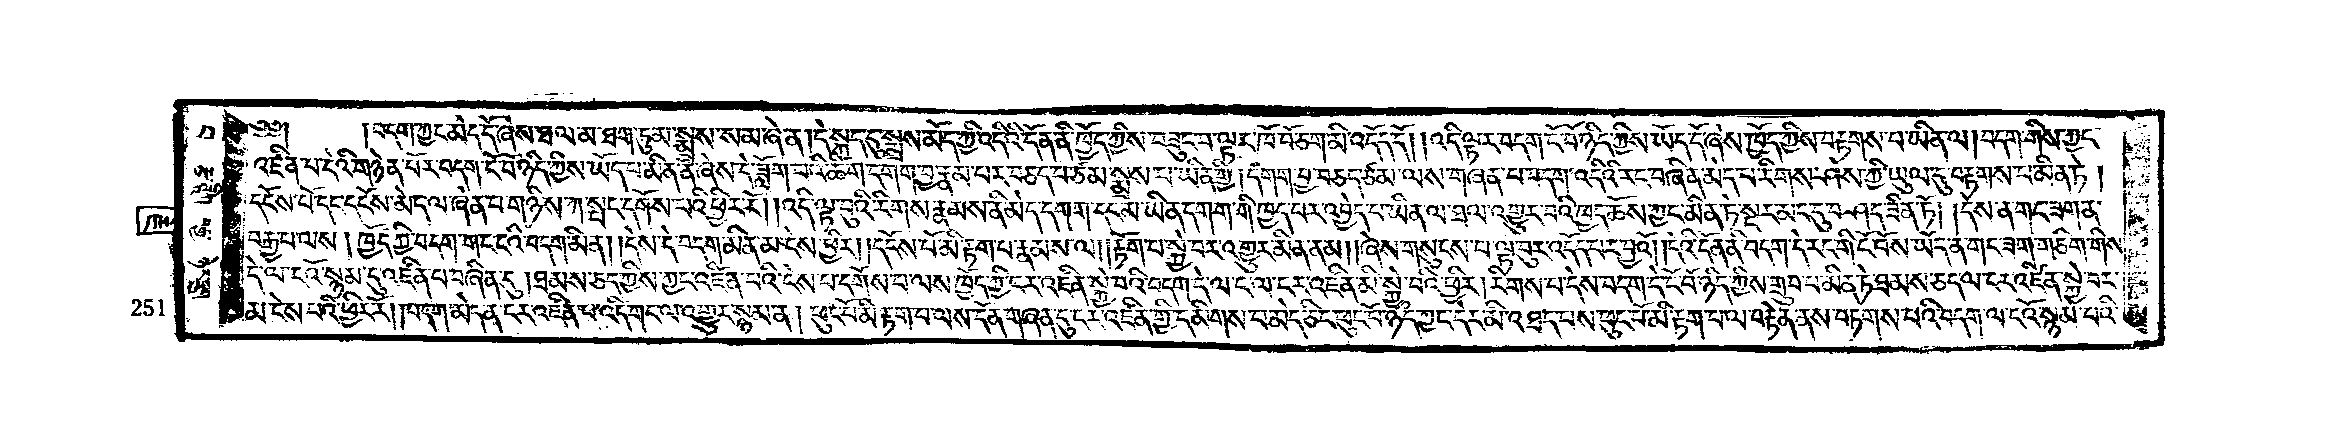༄༅། །བདག་ཀྱང་མེད་དོ་ཞེས་ཐལ་མ་ཐག་ཏུ་མ་སྨྲས་སམ་ཞེ་ན། དེ་སྐད་དུ་སྨྲས་མོད་ཀྱི་འདིའི་དོན་ནི་ཁྱོད་ཀྱིས་བཟུང་བ་ལྟར་ཁོ་བོ་ཅག་མི་འདོད་དོ། །འདི་ལྟར་བདག་ངོ་བོ་ཉིད་ཀྱིས་ཡོད་དོ་ཞེས་ཁྱོད་ཀྱིས་བརྟགས་པ་ཡིན་ལ། བདག་གིས་ཀྱང་
འཛིན་པ་དེའི་གཉེན་པོར་བདག་ངོ་བོ་ཉིད་ཀྱིས་ཡོད་པ་མིན་ནོ་ཞེས་དེ་ཟློག་པའི་ཚིག་དགག་བྱ་རྣམ་པར་བཅད་པ་ཙམ་སྨྲས་པ་ཡིན་གྱི། དགག་བྱ་བཅད་ཙམ་ལས་གཞན་པ་བདག་འདིའི་རང་བཞིན་མེད་པ་རིགས་ཤེས་ཀྱི་ཡུལ་དུ་བརྟགས་པ་མིན་ཏེ།
དངོས་པོ་དང་དངོས་མེད་ལ་ཞེན་པ་གཉིས་ཀ་སྤང་དགོས་པའི་ཕྱིར་རོ། །འདི་ལྟ་བུའི་རིགས་རྣམས་ནི་མེད་དགག་དང་མ་ཡིན་དགག་གི་ཁྱད་པར་འབྱེད་པ་ཡིན་ལ་ཐལ་འགྱུར་བའི་ཁྱད་ཆོས་ཀྱང་མིན་ཏེ་སྔར་མང་དུ་བཤད་ཟིན་ཏོ། །དེས་ན་གང་ཟག་ན་
བརྒྱ་པ་ལས། ཁྱོད་ཀྱི་བདག་གང་ངའི་བདག་མིན། །དེས་དེ་བདག་མིན་མ་ངེས་ཕྱིར། །དངོས་པོ་མི་རྟག་པ་རྣམས་ལ། །རྟོག་པ་སྐྱེ་བར་འགྱུར་མིན་ནམ། །ཞེས་གསུངས་པ་ལྟ་བུར་འདོད་པར་བྱའོ། །དེའི་དོན་ནི་བདག་དེ་རང་གི་ངོ་བོས་ཡོད་ན་གང་ཟག་གཅིག་གིས་
དེ་ལ་ངའོ་སྙམ་དུ་འཛིན་པ་བཞིན་དུ། །ཐམས་ཅད་ཀྱིས་ཀྱང་འཛིན་པའི་ངེས་པ་དགོས་པ་ལས་ཁྱོད་ཀྱི་ངར་འཛིན་སྐྱེ་བའི་བདག་དེ་ལ་ང་ལ་ངར་འཛིན་མི་སྐྱེ་བའི་ཕྱིར། རིགས་པ་དེས་བདག་དེ་ངོ་བོ་ཉིད་ཀྱིས་གྲུབ་པ་མིན་ཏེ་ཐམས་ཅད་ལ་ངར་འཛིན་སྐྱེ་བར་
མ་ངེས་པའི་ཕྱིར་རོ། །བདག་མེད་ན་ངར་འཛིན་པ་འདི་གང་ལ་འགྱུར་སྙམ་ན། ཕུང་པོ་མི་རྟག་པ་ལས་དོན་གཞན་དུ་ངར་འཛིན་གྱི་དམིགས་པ་མེད་ཅིང་ཕུང་པོ་ཉིད་ཀྱང་དེར་མི་འཐད་པས་ཕུང་པོ་མི་རྟག་པ་ལ་བརྟེན་ནས་བཏགས་པའི་བདག་ལ་ངའོ་སྙམ་པའི་